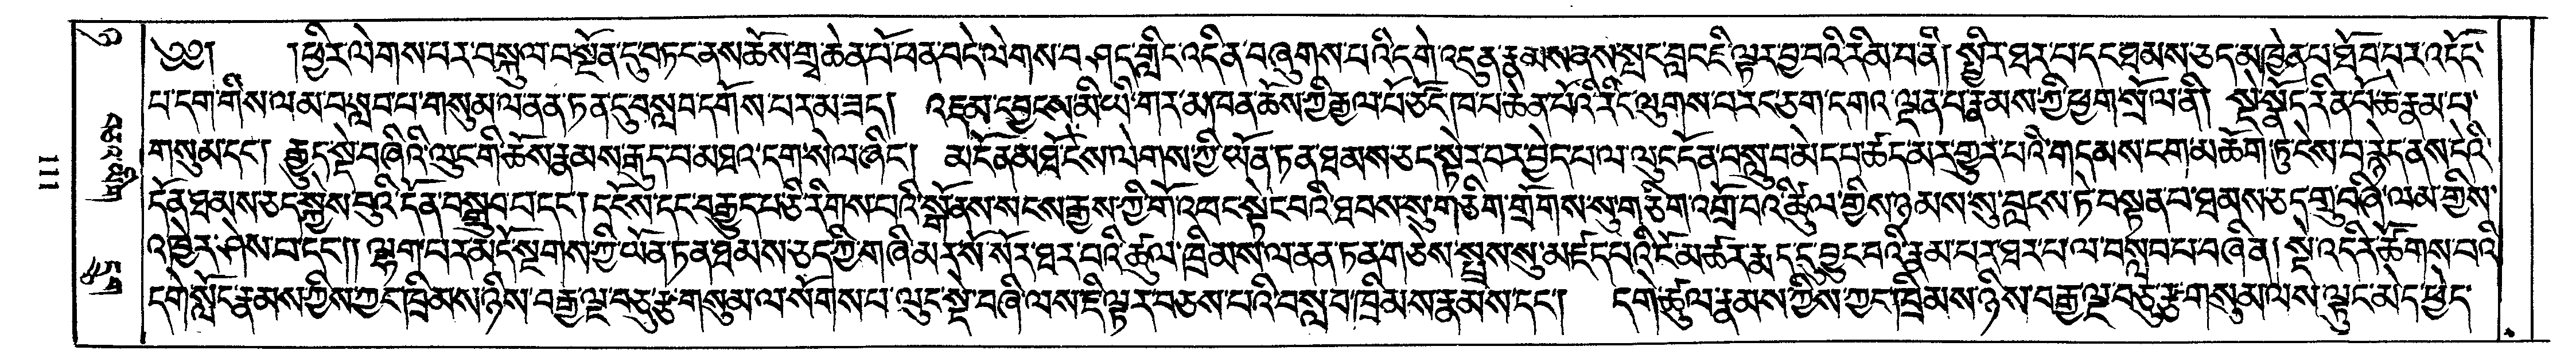༄༅། །ཕྱིར་ལེགས་པར་བསྐུལ་བ་སྔོན་དུ་བཏང་ནས་ཆོས་གྲྭ་ཆེན་པོ་ཕན་བདེ་ལེགས་བཤད་གིང་འདི་ན་བཞུགས་པའི་དགེ་འདུན་རྣམས་ནས་སྤང་བླང་ཇི་ལྟར་བྱ་བའི་རིམ་པ་ནི། སྤྱིར་ཐར་པ་དང་ཐམས་ཅད་མཁྱེན་པ་ཐོབ་པར་འདོད་
པ་དག་གིས་ལམ་བསླབ་པ་གསུམ་ལ་ནན་ཏན་དུ་བསླབ་དགོས་པར་མ་ཟད། འཇམ་དབྱངས་མི་ཡི་གར་མཁན་ཆོས་ཀྱི་རྒྱལ་པོ་ཙོང་ཁ་པ་ཆེན་པོའི་རིང་ལུགས་པ་རང་ཅག་དགའ་ལྡན་པ་རྣམས་ཀྱི་ཕྱག་སྲོལ་ནི། སྡེ་སྣོད་རིན་པོ་ཆེ་རྣམ་པ་
གསུམ་དང་། རྒྱུད་སྡེ་བཞིའི་ལུང་གི་ཆོས་རྣམས་རྒུད་པ་མཐའ་དག་སེལ་ཞིང་། མངོན་མཐོ་ངེས་ལེགས་ཀྱི་ཡོན་ཏན་ཐམས་ཅད་སྟེར་བར་བྱེད་པ་ལ་ལུང་དོན་བསླུ་བ་མེད་པ་ཚད་མར་གྱུར་པའི་གདམས་ངག་མཆོག་ཏུ་ངེས་པ་རྙེད་ནས་དེའི་
དོན་ཐམས་ཅད་སྐྱེས་བུའི་དོན་བསྒྲུབ་པ་དང་། དངོས་དང་བརྒྱུད་པ་ཅི་རིགས་པའི་སྒོ་ནས་སངས་རྒྱས་ཀྱི་གོ་འཕང་སྟེར་བའི་ཐབས་སུ་གཅིག་གྲོགས་སུ་གཅིག་འགྲོ་བའི་ཚུལ་གྱིས་ཉམས་སུ་བླངས་ཏེ་བསྟན་པ་ཐམས་ཅད་གྲུ་བཞི་ལམ་གྱིས་
འཁྱེར་ཤེས་པ་དང་། ལྷག་པར་མདོ་སྔགས་ཀྱི་ཡོན་ཏན་ཐམས་ཅད་ཀྱི་གཞི་མར་སོ་སོར་ཐར་པའི་ཚུལ་ཁྲིམས་ལ་ནན་ཏན་གཅེས་སྤྲས་སུ་མཛད་པའི་ངོ་མཚར་རྨད་དུ་བྱུང་བའི་རྣམ་པར་ཐར་པ་ལ་བསླབ་པ་བཞིན། སྡེ་འདིར་ཚོགས་པའི་
དགེ་སློང་རྣམས་ཀྱིས་ཀྱང་ཁྲིམས་ཉིས་བརྒྱ་ལྔ་བཅུ་རྩ་གསུམ་ལ་སོགས་པ་ལུང་སྡེ་བཞི་ལས་ཇི་ལྟར་བཅས་པའི་བསླབ་ཁྲིམས་རྣམས་དང་། དགེ་ཚུལ་རྣམས་ཀྱིས་ཀྱང་ཁྲིམས་ཉིས་བརྒྱ་ལྔ་བཅུ་རྩ་གསུམ་ལས་ལྟུང་མེད་ཕྱེད་